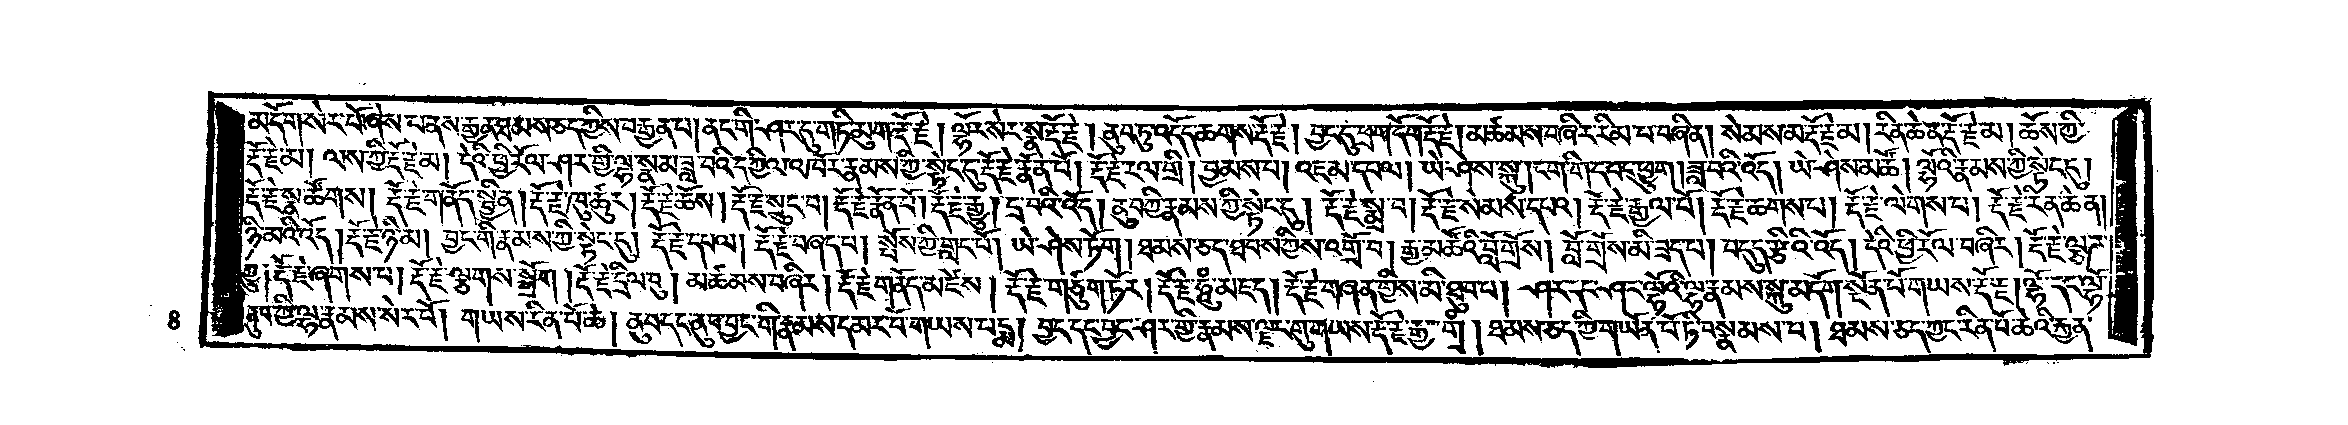མདོག་སེར་པོ་ཞེས་པ་ནས་རྒྱན་ཐམས་ཅད་ཀྱིས་བརྒྱན་པ། ནང་གི་ཤར་དུ་གཏི་མུག་རྡོ་རྗེ། ལྷོར་སེར་སྣ་རྡོ་རྗེ། ནུབ་ཏུ་འདོད་ཆགས་རྡོ་རྗེ། བྱང་དུ་ཕྲག་དོག་རྡོ་རྗེ། མཚམས་བཞིར་རིམ་པ་བཞིན། སེམས་མ་རྡོ་རྗེ་མ། རིན་ཆེན་རྡོ་རྗེ་མ། ཆོས་ཀྱི་
རྡོ་རྗེ་མ། ལས་ཀྱི་རྡོ་རྗེ་མ། དེའི་ཕྱི་རོལ་ཤར་གྱི་ལྷ་སྣམ་ཟླ་བའི་དཀྱིལ་འཁོར་རྣམས་ཀྱི་སྟེང་དུ་རྡོ་རྗེ་རྣོན་པོ། རྡོ་རྗེ་རལ་གྲི། བྱམས་པ། འཇམ་དཔལ། ཡེ་ཤེས་སྐུ། ངག་གི་དབང་ཕྱུག །ཟླ་བའི་འོད། ཡེ་ཤེས་མཚོ། ལྷོའི་རྣམས་ཀྱི་སྟེང་དུ།
རྡོ་རྗེ་སྣ་ཚོགས། རྡོ་རྗེ་གནོད་སྦྱིན། རྡོ་རྗེ་ཁུ་ཚུར། རྡོ་རྗེ་ཆོས། རྡོ་རྗེ་སྲུང་བ། རྡོ་རྗེ་རྣོན་པོ། རྡོ་རྗེ་རྒྱུ། དྲ་བའི་འོད། ནུབ་ཀྱི་རྣམས་ཀྱི་སྟེང་དུ། རྡོ་རྗེ་སྨྲ་བ། རྡོ་རྗེ་སེམས་དཔའ། རྡོ་རྗེ་རྒྱལ་པོ། རྡོ་རྗེ་ཆགས་པ། རྡོ་རྗེ་ལེགས་པ། རྡོ་རྗེ་རིན་ཆེན།
ཉི་མའི་འོད། རྡོ་རྗེ་ཉི་མ། བྱང་གི་རྣམས་ཀྱི་སྟེང་དུ། རྡོ་རྗེ་དཔལ། རྡོ་རྗེ་བཞད་པ། སྤོས་ཀྱི་གླང་པོ། ཡེ་ཤེས་ཏོག །ཐམས་ཅད་ཐབས་ཀྱིས་འགྲོ་བ། རྒྱ་མཚོའི་བློ་གྲོས། བློ་གྲོས་མི་ཟད་པ། བདུད་རྩིའི་འོད། དེའི་ཕྱི་རོལ་བཞིར། རྡོ་རྗེ་ལྕགས་
ཀྱུ། རྡོ་རྗེ་ཞགས་པ། རྡོ་རྗེ་ལྕགས་སྒྲོག །རྡོ་རྗེ་དྲིལ་བུ། མཚམས་བཞིར། རྡོ་རྗེ་གནོད་མཛེས། རྡོ་རྗེ་གཙུག་ཏོར། རྡོ་རྗེ་ཧཱུཾ་མཛད། རྡོ་རྗེ་གཞན་གྱིས་མི་ཐུབ་པ། ཤར་དང་ཤར་ལྷོའི་ལྷ་རྣམས་སྐུ་མདོག་སྔོན་པོ་གཡས་རྡོ་རྗེ། ལྷོ་དང་ལྷོ་
ནུབ་ཀྱི་ལྷ་རྣམས་སེར་པོ། གཡས་རིན་པོ་ཆེ། ནུབ་དང་ནུབ་བྱང་གི་རྣམས་དམར་པོ་གཡས་པདམ། བྱང་དང་བྱང་ཤར་གྱི་རྣམས་ལྗང་གུ་གཡས་རྡོ་རྗེ་རྒྱ་གྲཾ། ཐམས་ཅད་ཀྱི་གཡོན་པོ་ཏི་བསྣམས་པ། ཐམས་ཅད་ཀྱང་རིན་པོ་ཆེའི་རྒྱན་